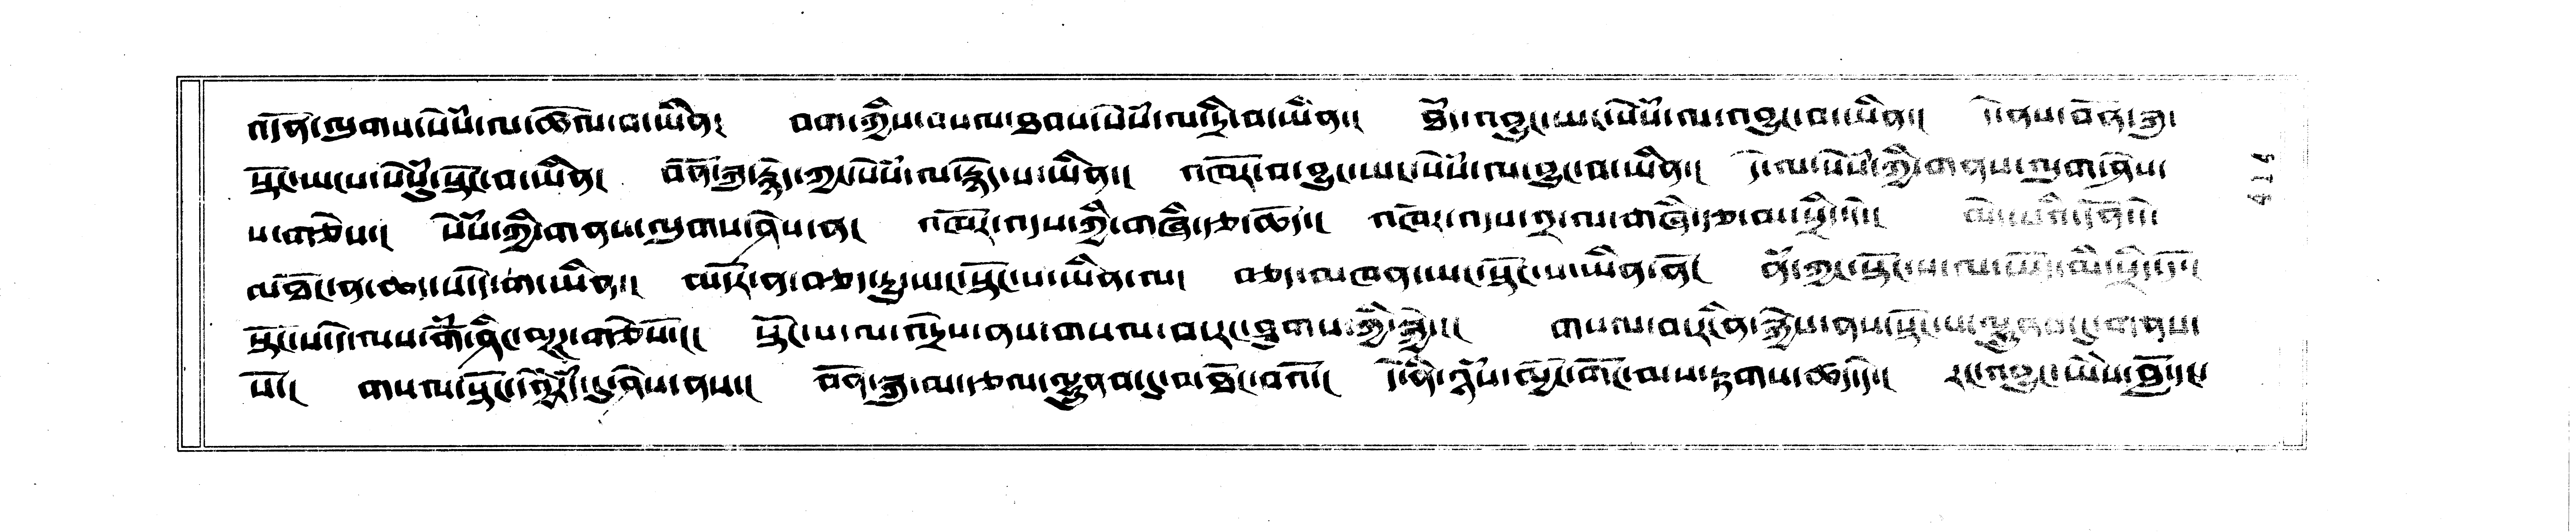འདོན་ལུགས་སེམས་ལ་ཚོལ་བ་ཡིན། གགས་ཀྱིས་བསལ་ཐབས་སེམས་ལ་དྲིལ་བ་ཡིན། ཐམས་ཅད་བྱུང་ཡང་སེམས་ལས་བྱུང་བ་ཡིན། དེ་ནས་བོན་སྐུ་
གཏོར་”སྟོང”ས་སེམས་ལ་གཏོར་བ་ཡིན། བོན་སྐུ་རྙེད་ཀྱང་སེམས་ལ་རྙེད་པ་ཡིན། འཁོར་བ་བྱུང་ཡང་སེམས་ལ་བྱུང་བ་ཡིན། དེ་ནས་སེམས་ཀྱིས་གནས་ལུགས་ཤེས་
པ་གཅེས། སེམས་ཀྱི་གནས་ལུགས་ཤེས་ན་འཁོར་འདས་ཀྱིས་གཞི་རྩ་ཆོད། འཁོར་འདས་གཉིས་ལ་གཞི་རྩ་མི་སྲིད་སྟེ། མེད་པའི་དོན་དེ་
མཐོང་ན་གཞི་རྩ་ཆོད་པ་དེ་ཀ་ཡིན། མདོར་ན་བཅད་རྒྱུ་ཡང་སྟོང་པ་ཡིན་ལ་བཅད་མཁན་ཡང་སྟོང་པ་ཡིན། ནམ་ཀྱང་༼ཡང་༽སྟོང་པ་ལས་ཡོད་མི་སྲིད་དོ། 
སྟོང་པ་དེ་ལས་གོམ་ཅིང་འདྲིས་པའི་མེན་ངག་གཅེས་སོ། སྟོང་པ་ལས་འདྲིས་ནས་གསལ་བ་ཤུགས་ཀྱི་སྐྱེ། གསལ་བའི་རང་བཞིན་ཤེས་ན་སྟོང་པ་ལྷུན་གྲུབ་དུ་གནས་
སོ། གསལ་སྟོང་དབྱེར་མེད་དུ་ཤེས་ན་བོན་སྐུ་མ་བརྩལ་ལྷུན་གྲུབ་དུ་མཐོང་བའོ། འདི་ནི་ཉམས་མྱོང་གོང་མའི་རྟགས་ཚད་སྟེ། རང་འབྱུང་ཡེ་ཤེས་བློ་དང་